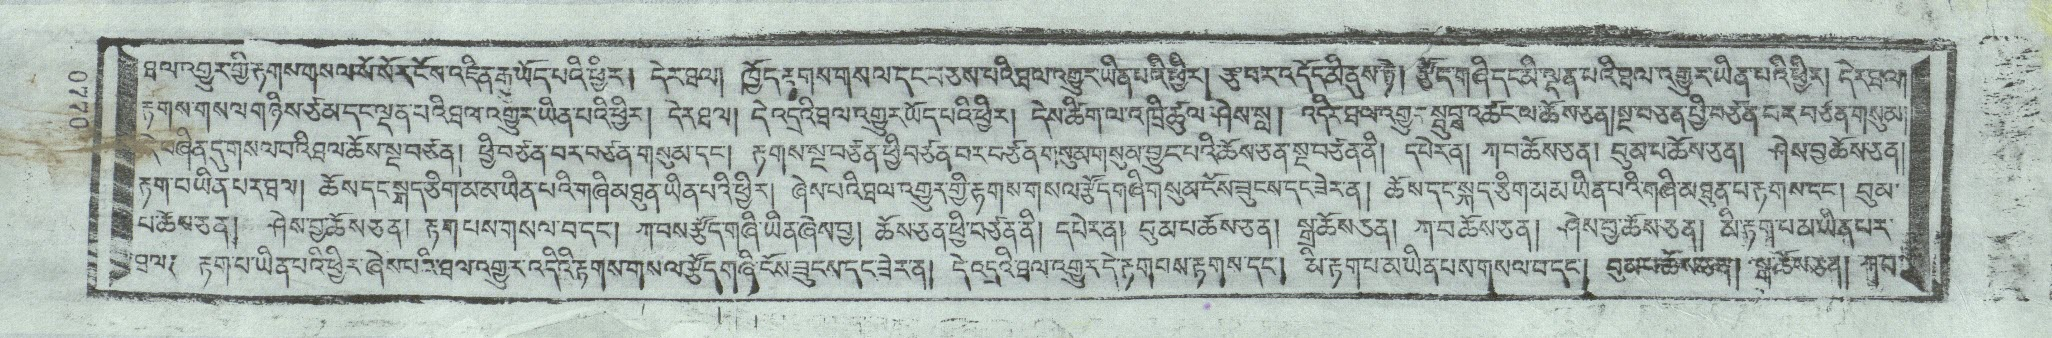ཐལ་འགྱུར་གྱི་རྟགས་གསལ་སོ་སོར་ངོས་འཛིན་རྒྱུ་ཡོད་པའི་ཕྱིར། དེར་ཐལ། ཁྱོད་རྟགས་གསལ་དང་བཅས་པའི་ཐལ་འགྱུར་ཡིན་པའི་ཕྱིར། རྩ་བར་འདོད་མི་ནུས་ཏེ། རྩོད་གཞི་དང་མི་ལྡན་པའི་ཐལ་འགྱུར་ཡིན་པའི་ཕྱིར། དེར་ཐལ།
རྟགས་གསལ་གཉིས་ཙམ་དང་ལྡན་པའི་ཐལ་འགྱུར་ཡིན་པའི་ཕྱིར། དེར་ཐལ། དེ་འདྲའི་ཐལ་འགྱུར་ཡོད་པའི་ཕྱིར། དེས་ཚིག་ལ་འཁྲི་ཚུལ་ཤེས་སླ། འདིར་ཐལ་འགྱུར་སྤུབས་འཚང་ལ་ཆོས་ཅན། སྔ་བཅན་ཕྱི་བཙན་པར་བཙན་གསུམ་
དེ་བཞིན་དུ་གསལ་བའི་ཐལ་ཆོས་སྔ་བཙན། ཕྱི་བ་ཙན་བར་བཙན་གསུམ་དང་། རྟགས་སྔ་བཙན་ཕྱི་བཙན་བར་བཙན་གསུམ་གསུམ་བྱུང་པའི་ཆོས་ཅན་སྔ་བཙན་ནི། དཔེར་ན། ཀ་བ་ཆོས་ཅན། བུམ་པ་ཆོས་ཅན། ཤེས་བྱ་ཆོས་ཅན།
རྟག་པ་ཡིན་པར་ཐལ། ཆོས་དང་སྐད་ཅིག་མ་མ་ཡིན་པའི་གཞི་མཐུན་ཡིན་པའི་ཕྱིར། ཞེས་པའི་ཐལ་འགྱུར་གྱི་རྟགས་གསལ་རྩོད་གཞི་གསུམ་ངོས་ཟུངས་དང་ཟེར་ན། ཆོས་དང་སྐད་ཅིག་མ་མ་ཡིན་པའི་གཞི་མཐུན་པ་རྟགས་དང་། བུམ་
པ་ཆོས་ཅན། ཤེས་བྱ་ཆོས་ཅན། རྟག་པས་གསལ་བ་དང་། ཀབས་རྩོད་གཞི་ཡིན་ཞེས་བྱ། ཆོས་ཅན་ཕྱི་བཙན་ནི། དཔེར་ན། བུམ་པ་ཆོས་ཅན། སྒྲ་ཆོས་ཅན། ཀ་བ་ཆོས་ཅན། ཤེས་བྱ་ཆོས་ཅན། མི་རྟག་པ་མ་ཡིན་པར་
ཐལ༑ རྟག་བ་ཡིན་པའི་ཕྱིར་ཞེས་པའི་ཐལ་འགྱུར་འདིའི་རྟགས་གསལ་རྩོད་གཞི་ངོས་ཟུངས་དང་ཟེར་ན། དེ་འདྲའི་ཐལ་འགྱུར་དེ་རྟག་པས་རྟགས་དང་། མི་རྟག་པ་མ་ཡིན་པས་གསལ་བ་དང་། བུམ་པ་ཆོས་ཅན། སྒྲ་ཆོས་ཅན། ཀ་བ་